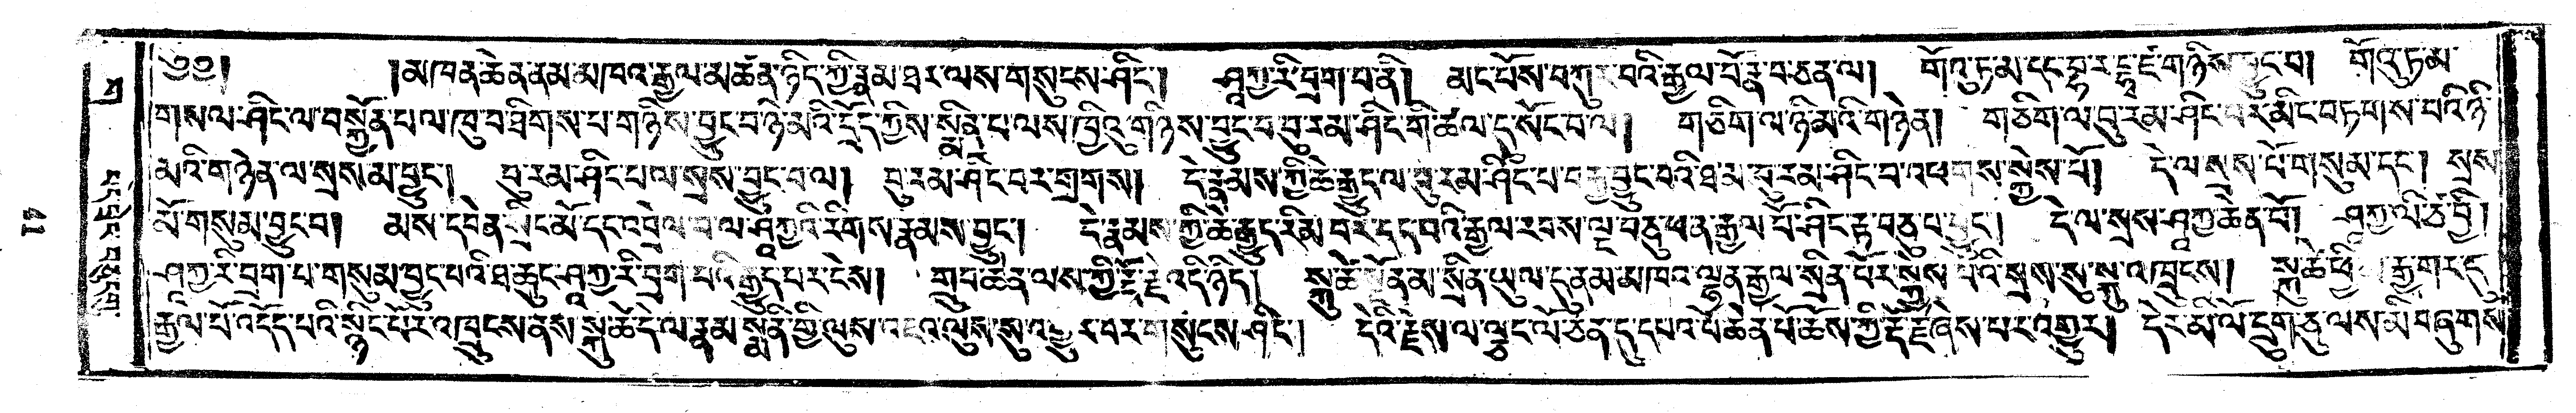༄༅། །མཁན་ཆེན་ནམ་མཁའ་རྒྱལ་མཚན་ཉིད་ཀྱི་རྣམ་ཐར་ལས་གསུངས་ཤིང་། ཤཱཀྱ་རི་བྲག་པ་ནི། མང་པོས་བཀུར་བའི་རྒྱལ་པོ་རྣ་བ་ཅན་ལ། གོའུ་ཏ་མ་དང་བྷ་ར་དྷྭ་ཛ་གཉིས་བྱུང་བ། གོའུ་ཏ་མ་
གསལ་ཤིང་ལ་བསྐྱོན་པ་ལ་ཁུ་བ་ཐིགས་པ་གཉིས་བྱུང་བ་ཉི་མའི་དྲོད་ཀྱིས་སྨིན་པ་ལས་ཁྱིའུ་གཉིས་བྱུང་བ་བུ་རམ་ཤིང་གི་ཚལ་དུ་སོང་བ་ལ། གཅིག་ལ་ཉི་མའི་གཉེན། གཅིག་ལ་བུ་རམ་ཤིང་བར་མིང་བཏགས་པའི་ཉི་
མའི་གཉེན་ལ་སྲས་མ་བྱུང་། བུ་རམ་ཤིང་པ་ལ་སྲས་བྱུང་བ་ལ། བུ་རམ་ཤིང་བར་གྲགས། དེ་རྣམས་ཀྱི་ཆེ་རྒྱུད་ལ་བུ་རམ་ཤིང་པ་བརྒྱ་བྱུང་བའི་ཐ་མ་བུ་རམ་ཤིང་བ་འཕགས་སྐྱེས་པོ། དེ་ལ་སྲས་པོ་གསུམ་དང་། སྲས་
མོ་གསུམ་བྱུང་བ། མས་དབེན་སྲིང་མོ་དང་འབྲེལ་བ་ལ་ཤཱཀྱའི་རིགས་རྣམས་བྱུང་། དེ་རྣམས་ཀྱི་ཆེ་རྒྱུད་རིམ་བར་དད་བའི་རྒྱལ་རབས་ལྔ་བཅུ་ཕན་རྒྱལ་པོ་ཤིང་རྟ་བཅུ་པ་བྱུང་། དེ་ལ་སྲས་ཤཱཀྱ་ཆེན་པོ། ཤཱཀྱ་ལི་ཙ་བྱི།
ཤཱཀྱ་རི་བྲག་པ་གསུམ་བྱུང་བའི་ཐ་ཆུང་ཤཱཀྱ་རི་བྲག་པའི་རྒྱུད་པར་ངེས། གྲུབ་ཆེན་ལས་ཀྱི་རྡོ་རྗེ་འདི་ཉིད། སྐུ་ཚེ་སྔོན་མ་སྲིན་ཡུལ་དུ་ནམ་མཁའ་ལྷན་རྒྱལ་སྲིན་པོར་སྐྱེས་པའི་སྲས་སུ་སྐུ་འཁྲུངས། སྐུ་ཚེ་ཕྱི་མ་རྒྱ་གར་དུ་
རྒྱལ་པོ་འདོད་པའི་སྙིང་པོར་འཁྲུངས་ནས་སྐུ་ཚེ་དེ་ལ་རྣམ་སྨིན་གྱི་ལུས་འཇའ་ལུས་སུ་འགྱུར་བར་གསུངས་ཤིང་། དེའི་རྗེས་ལ་ལྕང་ལོ་ཅན་དུ་དཔའ་པོ་ཆེན་པོ་ཆོས་ཀྱི་རྡོ་རྗེ་ཞེས་པར་འགྱུར། དེར་མི་ལོ་དྲུག་ཅུ་ལས་མི་བཞུགས་